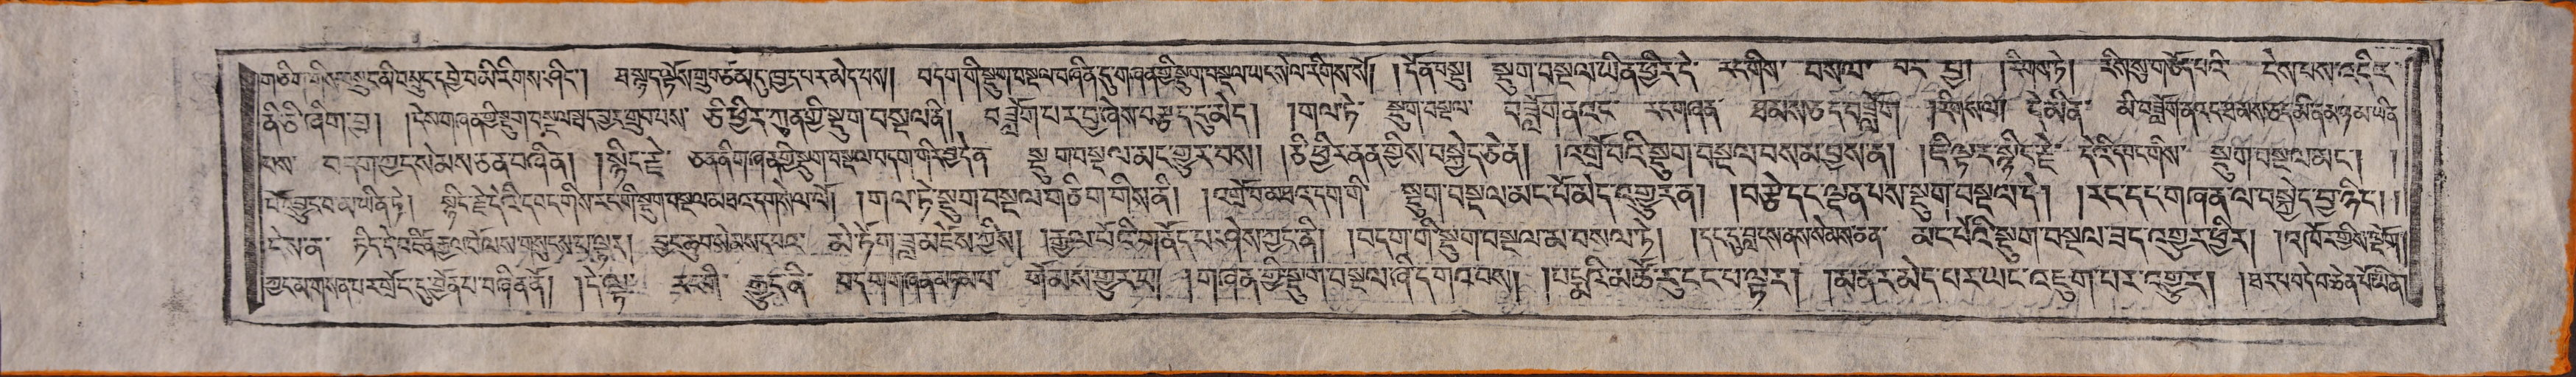གཅིག་གིས་བསྲུང་མི་བསྲུང་དབྱེ་བ་མི་རིགས་ཤིང་། ཐ་སྙད་ལྟོས་གྲུབ་ཙམ་དུ་ཁྱད་པར་མེད་པ། བདག་གི་སྡུག་བསྔལ་བཞིན་དུ་ཟན་ཡི་སྡུག་བསྔལ་ཡང་སེལ་རིགས་སོ། །དོན་བསྡུ། སྡུག་བསྔལ་ཡིན་ཕྱིར་དེ་རང་གིས་བསལ་བར་བྱ། །རིགས་ཏེ་རིས་སུ་གཅོད་པའི་ངེས་པས་འདིར་
ནི་ཅི་ཞིག་བྱ། །དེས་གཞན་གྱི་སྡུག་བསྔལ་སྤང་བྱར་གྲུབ་པས་ཅི་ཕྱིར་ཀུན་གྱི་སྡུག་བསྔལ་ནི། །བཟློག་པར་བྱ་ཞེས་བརྩད་དུ་མེད། །གལ་ཏེ་སྡུག་བསྔལ་བཟློག་ནའང་རང་གཞན་ཐམས་ཅད་བཟློག་།རིགས་ལ།  དེ་མིན་མི་བཟློག་ནའང་ཐམས་ཅད་མིན་མཉམ་ཡིན་
པས་བདག་ཀྱང་སེམས་ཅན་བཞིན། །སྙིང་རྗེ་ཅན་ནི་གཞན་གྱི་སྡུག་བསྔལ་བདག་གིར་བྱེད་ན་སྡུག་བསྔལ་མང་གྱུར་པས། །ཅི་ཕྱིར་ནན་གྱིས་བསྐྱེད་ཅེ་ན། །འགྲོ་བའི་སྡུག་བསྔལ་བསམ་བྱས་ན། །ཇི་ལྟར་སྙིང་རྗེ་དེའི་དབང་གིས་སྡུག་བསྔལ་མང་། །
པོ་འབྱུང་བ་མ་ཡིན་ཏེ། སྙིང་རྗེ་དེའི་དབང་གིས་རང་གི་སྡུག་བསྔལ་མཐའ་དག་སེལ་ལོ། །གལ་ཏེ་སྡུག་བསྔལ་གཅིག་གིས་ནི། །འགྲོ་བ་མཐའ་དག་གི་སྡུག་བསྔལ་མང་པོ་མེད་འགྱུར་ན། །བརྩེ་དང་ལྡན་བས་སྡུག་བསྔལ་དེ། །རང་དང་གཞན་ལ་བསྐྱེད་བྱ་ཉིད། །
དེས་ན་ཏིང་ངེ་འཛིན་རྒྱལ་པོ་ལས་གསུངས་པ་ལྟར། །བྱང་ཆུབ་སེམས་དཔའ་མེ་ཏོག་ཟླ་མཛེས་ཀྱིས། །རྒྱལ་པོའི་གནོད་པ་ཤེས་ཀྱང་ནི། །བདག་གི་སྡུག་བསྔལ་མ་བསལ་ཏེ། །དང་དུ་བླངས་ནས་སེམས་ཅན་མང་པོའི་སྡུག་བསྔལ་ཟད་འགྱུར་ཕྱིར། །འཁོར་གྱིས་ལྡོག་
ཀྱང་མ་གསན་པར་གྲོང་དུ་བྱོན་པ་བཞིན་ནོ། །དེ་ལྟར་རང་གི་རྒྱུད་ནི་བདག་གཞན་མཉམ་པ་གོམས་གྱུར་པ། །གཞན་ཡི་སྡུག་བསྔལ་ཞེ་དགའ་བས། །པདམའི་མཚོ་རུ་ངང་པ་ལྟར་།མནར་མེད་པར་ཡང་འཇུག་པར་འགྱུར། །ཐར་བ་བདེ་བ་ཆེན་པོ་ཡིན་